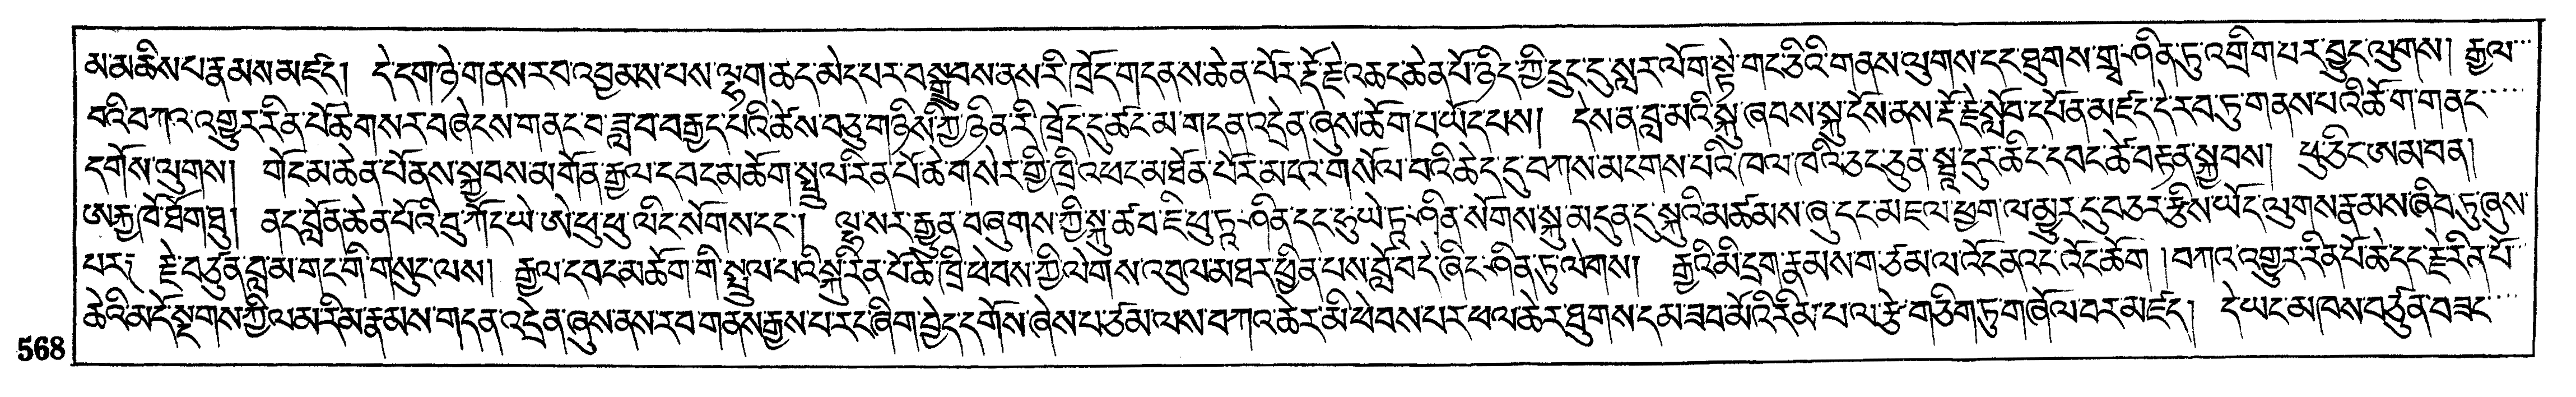མ་མཆིས་པ་རྣམས་མཛད། དེ་དག་ཉེ་གནས་རབ་འབྱམས་པས་ལྷག་ཆད་མེད་པར་བསྒྲུབས་ནས་རི་ཁྲོད་གདན་ས་ཆེན་པོར་རྡོ་རྗེ་འཆང་ཆེན་པོ་ཉིད་ཀྱི་དྲུང་དུ་སླར་ལོག་སྟེ་གང་ཅིའི་གནས་ལུགས་དང་ཐུགས་གྲྭ་ཤིན་ཏུ་འགྲིག་པར་བྱུང་ལུགས། རྒྱལ་
བའི་བཀའ་འགྱུར་རིན་པོ་ཆེ་གསར་བཞེངས་གནང་བ་ཟླ་བ་བརྒྱད་པའི་ཚེས་བཅུ་གཉིས་ཀྱི་ཉིན་རི་ཁྲོད་དུ་ཚང་མ་གདན་འདྲེན་ཞུས་ཆོག་པ་ཡོད་པས། དེས་ན་བླ་མའི་སྐུ་ཞབས་སྐུ་ངོས་ནས་རྡོ་རྗེ་སློབ་དཔོན་མཛད་དེ་རབ་ཏུ་གནས་པའི་ཆོ་ག་གནང་
དགོས་ལུགས། གོང་མ་ཆེན་པོ་ནས་སྐྱབས་མགོན་རྒྱལ་དབང་མཆོག་སྤྲུལ་རིན་པོ་ཆེ་གསེར་གྱི་ཁྲི་འཕང་མཐོན་པོར་མངའ་གསོལ་བའི་ཆེད་དུ་བཀས་མངགས་པའི་ཁལ་ཁའི་ཅང་ཅུན་སྦཱ་དུར་ཆིང་དབང་ཚེ་བརྟན་སྐྱབས། ཕུ་ཅིང་ཨམ་བན།
ཨརྐྱ་ཁོ་ཐོག་ཐུ། ནང་བློན་ཆེན་པོའི་བུ་ཀོང་ཡེ་ཨེ་ཕུ་ཕུ་ལིང་སོགས་དང་། ལྷ་སར་རྒྱུན་བཞུགས་ཀྱི་སྐུ་ཚབ་ཇི་ཕུ་ཏཱ་ཤིན་ཏུ་དང་ཧུ་ཡེ་ཏཱ་ཤིན་སོགས་སྐུ་མདུན་དུ་སྐུའི་མཚམས་ཞུ་དང་མཇལ་ཕྱག་ལ་མྱུར་དུ་བཅར་རྩིས་ཡོད་ལུགས་རྣམས་ཞིབ་ཏུ་ཞུས་
པར༑ རྗེ་བཙུན་བླ་མ་གང་གི་གསུང་ལས། རྒྱལ་དབང་མཆོག་གི་སྤྲུལ་པའི་སྐུ་རིན་པོ་ཆེ་ཁྲི་ཕེབས་ཀྱི་ལེགས་འབུལ་མཐར་ཕྱིན་པས་བློ་བདེ་ཞིང་ཤིན་ཏུ་ལེགས། རྒྱའི་མི་དྲག་རྣམས་གཙམ་ལ་འོང་ནའང་འོང་ཆོ་ག །བཀའ་འགྱུར་རིན་པོ་ཆེ་དང་རྗེ་རིན་པོ་
ཆེའི་མདོ་སྔགས་ཀྱི་ལམ་རིམ་རྣམས་གདན་འདྲེན་ཞུས་ནས་རབ་གནས་རྒྱས་པ་རང་ཞིག་བྱེད་དགོས་ཞེས་པ་ཙམ་ལས་བཀའ་ཆེར་མི་ཕེབས་པར་ཕལ་ཆེར་ཐུགས་དམ་ཟབ་མོའི་རིམ་པ་ལ་རྩེ་གཅིག་ཏུ་གཞོལ་བར་མཛད། དེ་ཡང་མཁས་བཙུན་བཟང་